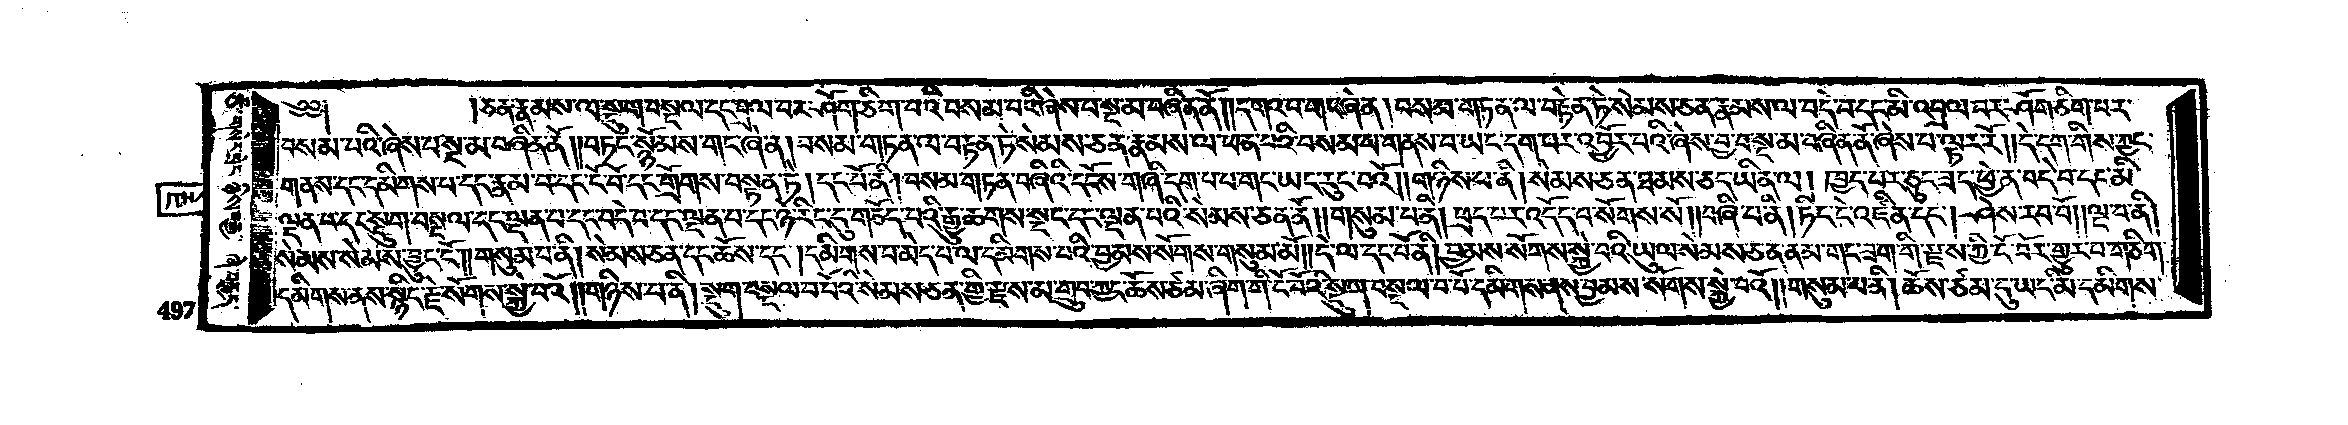༄༅། །ཅན་རྣམས་ལ་སྡུག་བསྔལ་དང་བྲལ་བར་ཤོག་ཅིག་པའི་བསམ་པའི་ཞེས་པ་སྔ་མ་བཞིན་ནོ། །དགའ་བ་གང་ཞེ་ན། བསམ་གཏན་ལ་བརྟེན་ཏེ་སེམས་ཅན་རྣམས་ལ་བདེ་བ་དང་མི་འབྲལ་བར་ཤོག་ཅིག་པར་
བསམ་པའི་ཞེས་པ་སྔ་མ་བཞིན་ནོ། །བཏང་སྙོམས་གང་ཞེ་ན། བསམ་གཏན་ལ་བརྟེན་ཏེ་སེམས་ཅན་རྣམས་ལ་ཕན་པའི་བསམ་པ་གནས་པ་ཡང་དག་པར་འབྱོར་བའི་ཞེས་བྱ་བ་སྔ་མ་བཞིན་ནོ་ཞེས་པ་ལྟར་རོ། །དེ་དག་གིས་ཀྱང་
གནས་དང་དམིགས་པ་དང་རྣམ་པ་དང་ངོ་བོ་དང་གྲོགས་བསྟན་ཏེ། དང་པོ་ནི། བསམ་གཏན་བཞིའི་དངོས་གཞི་དག་པ་པ་གང་ཡང་རུང་བའོ། །གཉིས་པ་ནི། སེམས་ཅན་ཐམས་ཅད་ཡིན་ལ། ཁྱད་པར་ཅུང་ཟད་ཕྱེ་ན་བདེ་བ་དང་མི་
ལྡན་པ་དང་སྡུག་བསྔལ་དང་ལྡན་པ་དང་བདེ་བ་དང་ལྡན་པ་དང་ཉེ་རིང་དུ་གཅོད་པའི་རྒྱུ་ཆགས་སྡང་དང་ལྡན་པའི་སེམས་ཅན་ནོ། །གསུམ་པ་ནི། ཕྲད་པར་འདོད་པ་སོགས་སོ། །བཞི་པ་ནི། ཏིང་ངེ་འཛིན་དང་། ཤེས་རབ་བོ། །ལྔ་པ་ནི།
སེམས་སེམས་བྱུང་ངོ། །གསུམ་པ་ནི། སེམས་ཅན་དང་ཆོས་དང་། དམིགས་པ་མེད་པ་ལ་དམིགས་པའི་བྱམས་སོགས་གསུམ་མོ། །དེ་ལ་དང་པོ་ནི། བྱམས་སོགས་སྐྱེ་བའི་ཡུལ་སེམས་ཅན་ནམ་གང་ཟག་གི་རྫས་ཀྱི་ངོ་བོར་གྱུར་བ་གཅིག་
དམིགས་ནས་སྙིང་རྗེ་སོགས་སྐྱེ་བའོ། །གཉིས་པ་ནི། སྡུག་བསྔལ་བ་པོའི་སེམས་ཅན་གྱི་རྫས་མ་གྲུབ་ཀྱང་ཆོས་ཙམ་ཞིག་གི་ངོ་བོའི་སྡུག་བསྔལ་བ་པོ་དམིགས་ནས་བྱམས་སོགས་སྐྱེ་བའོ། །གསུམ་པ་ནི། ཆོས་ཙམ་དུ་ཡང་མི་དམིགས་